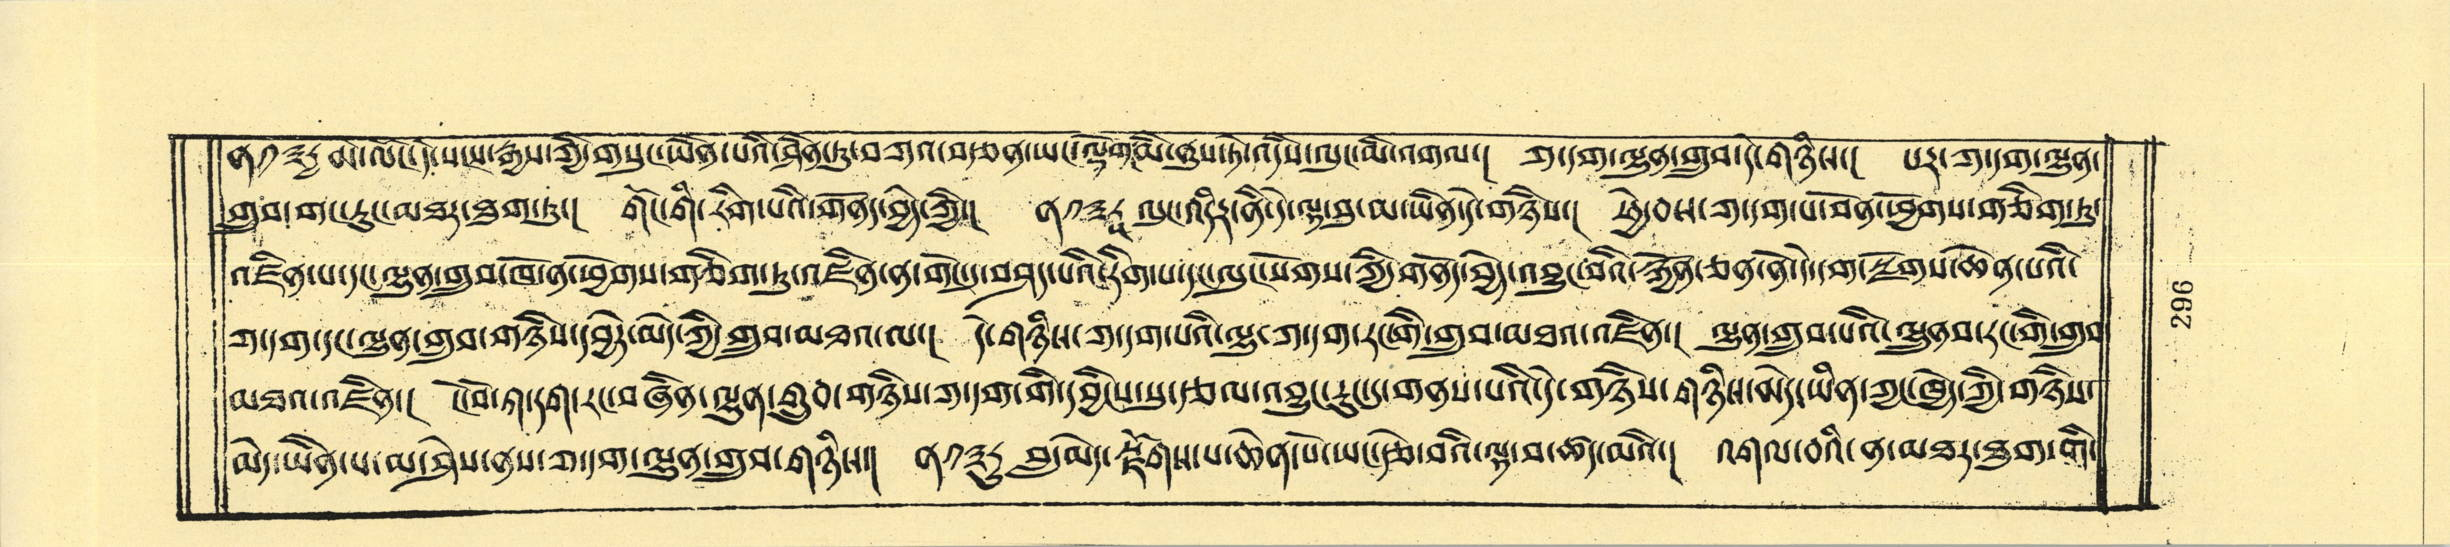ན༡༣༨།༤ ༼མེ་ལོང་༽དེ་སངས་རྒྱས་ཀྱི་གསུང་ཡིན་པའི་ཤིན་ཏུ་བཀའ་བརྩན་ཡང་ལྡོག་མི་ནུས་ཏེ་འདིས་ལུང་མི་འགལ། ཀ་དག་ལྷུན་གྲུབ་ ༼དེ་གཉིས།༽ ༼པར་༽ཀ་དག་ལྷུན་
གྲུབ་གང་རུང་མཐར་ཐུག་ཏུ། ༼གོང་གི་༽རིག་པའི་གནོད་བྱེད་ཀྱི། ན༡༣༨།༥ ༼ལུང་འདིར་༽ནི་དེ་ལྟ་བུ་མ་ཡིན་དེ་གཉིས། ༼ཕྱེ་བས་༽ཀ་དག་པ་བོན་ཕྱོགས་གཅིག་ཏུ་
འཛིན་པ་དང་ལྷུན་གྲུབ་ཁོ་ན་ཕྱོགས་གཅིག་ཏུ་འཛིན་ན་གོང་དུ་བཤད་པའི་རིག་པ་དང་ལུང་སོགས་ཀྱི་གནོད་བྱེད་འབྱུང་བའི་སྐྱོན་ཅན་ནོ་དེ་དག་སྫོགས་ཆེན་པའི་
ཀ་དག་དང་ལྷུན་གྲུབ་གཉིས་དབྱེར་མེད་ཀྱི་གྲུབ་མཐའ་ལ། ༼དེ་གཉིས་༽ཀ་དག་པའི་ལྟ་བུ་ཀ་དག་རང་གི་གྲུབ་མཐའ་འཛིན། ལྷུན་གྲུབ་པའི་ལྷུན་གྲུབ་རང་གི་གྲུབ་
མཐའ་འཛིན། ངོ་བོ་ ༼ཀ་དག་༽རང་བཞིན་ལྷུན་ ༼གྲུབ་༽གཉིས་ཀ་དག་གི་དབྱིངས་སུ་རྩལ་འབྱུང་ ༼རུང་དུ་༽གནས་པའི་དེ་གཉིས་ ༼གཉིས་མེད་ཡིན་༽ཀྱང་ཁྱེད་ཀྱི་གཉིས་
མེད་ཡིན་པ་མ་ཤེས་ནས་ཀ་དག་ལྷུན་གྲུབ་ ༼གཉིས།༽ན༡༣༨།༦ བླ་མེད་ ༼སྫོགས་པ་ཆེན་༽པོ་ཡང་རྩེ་བའི་ལྟ་བ་ཚད་མའི། ༼འགལ་བའི་༽ན་མཐར་ཐུག་གི་